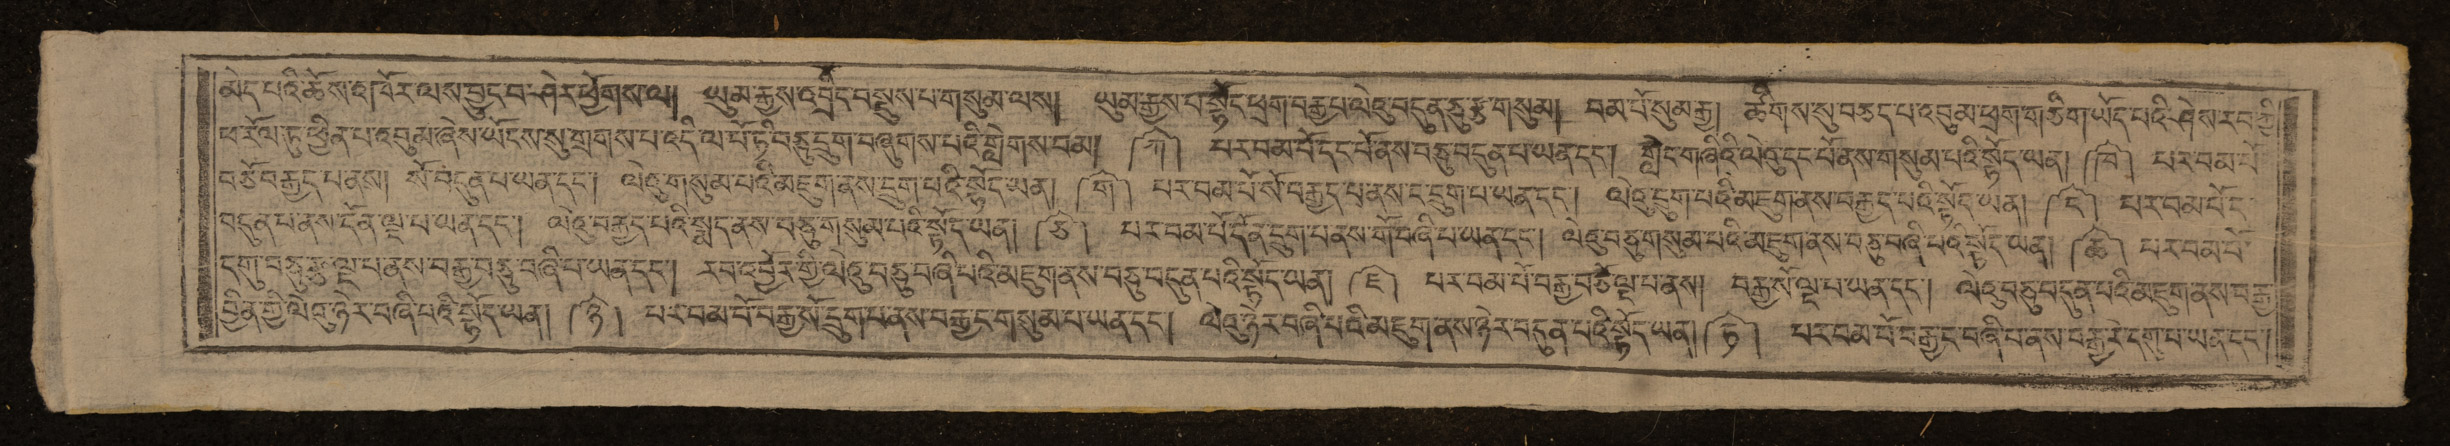མེད་པའི་ཆོས་འཁོར་ལས་བྱུང་བ་ཤེར་ཕྱོགས་ལ། ཡུམ་རྒྱས་འབྲིང་བསྡུས་པ་གསུམ་ལས། ཡུམ་རྒྱས་པ་སྟོང་ཕྲག་བརྒྱ་པ་ལེའུ་བདུན་ཅུ་རྩ་གསུམ། བམ་པོ་སུམ་རྒྱ། ཚིགས་སུ་བཅད་པ་འབུམ་ཕྲག་གཅིག་ཡོད་པའི་ཤེས་རབ་ཀྱི་
ཕ་རོལ་ཏུ་ཕྱིན་པ་འབུམ་ཞེས་ཡོངས་སུ་གྲགས་པ་འདི་ལ་པོ་ཏི་བཅུ་དྲུག་བཞུགས་པའི་གླེགས་བམ། {ཀ}་པར་བམ་པོ་དང་པོ་ནས་བཅུ་བདུན་པ་ཡན་དང་། གླེང་ཞིའི་ལེའུ་དང་པོ་ནས་གསུམ་པའི་སྟོད་ཡན། {ཁ}་པར་བམ་པོ་
བཅོ་བརྒྱད་པ་ནས། སོ་བདུན་པ་ཡན་དང་། ལེའུ་གསུམ་པའི་མཇུག་ནས་དྲུག་པའི་སྟོད་ཡན། {ག}་པར་བམ་པོ་སོ་བརྒྱད་པ་ནས་ད་དྲུག་པ་ཡན་དང་། ལེའུ་དྲུག་པའི་མཇུག་ནས་བརྒྱད་པའི་སྟོང་ཡན། {ང}་པར་བམ་བོ་དང་
བདུན་པ་ནས་དོན་ལྔ་པ་ཡན་དང་། ལེའུ་བརྒྱད་པའི་སྨད་ནས་བཅུ་གསུམ་པའི་སྟོད་ཡན། {ཅ}་བར་བམ་པོ་དོན་དྲུག་པ་ནས་གོ་བཞི་པ་ཡན་དང་། ལེའུ་བཅུ་གསུམ་པའི་མཇུག་ནས་བཅུ་བཞི་པའི་སྟོད་ཡན། {ཆ}་པར་བམ་པོ་
དགུ་བཅུ་རྩ་ལྔ་པ་ནས་བརྒྱས་བཅུ་བཞི་པ་ཡན་དང་། རབ་འབྱོར་གྱི་ལེའུ་བཅུ་བཞི་པའི་མཇུག་ནས་བཅུ་བདུན་པའི་སྟོད་ཡན། {ཇ}་པར་བམ་པོ་བརྒྱ་བཅོ་ལྔ་པ་ནས། བརྒྱ་སོ་ལྔ་བ་ཡན་དང་། ལེའུ་བཅུ་བདུན་པའི་མཇུག་ནས་བརྒྱ་
བྱིན་གྱི་ལེའུ་ཉེར་བཞི་པའི་སྟོད་ཡན། {ཉ}་པར་བམ་པོ་བརྒྱ་སོ་དྲུག་པ་ནས་བ་རྒྱད་གསུམ་པ་ཡན་དང་། ལེའུ་ཉེར་བཞི་པའི་མཇུག་ནས་ཉེར་བདུན་པའི་སྟོད་ཡན། {ཏ}་པར་བམ་པོ་བརྒྱད་བཞི་པ་ནས་བརྒྱ་རེ་དགུ་པ་ཡན་དང་།